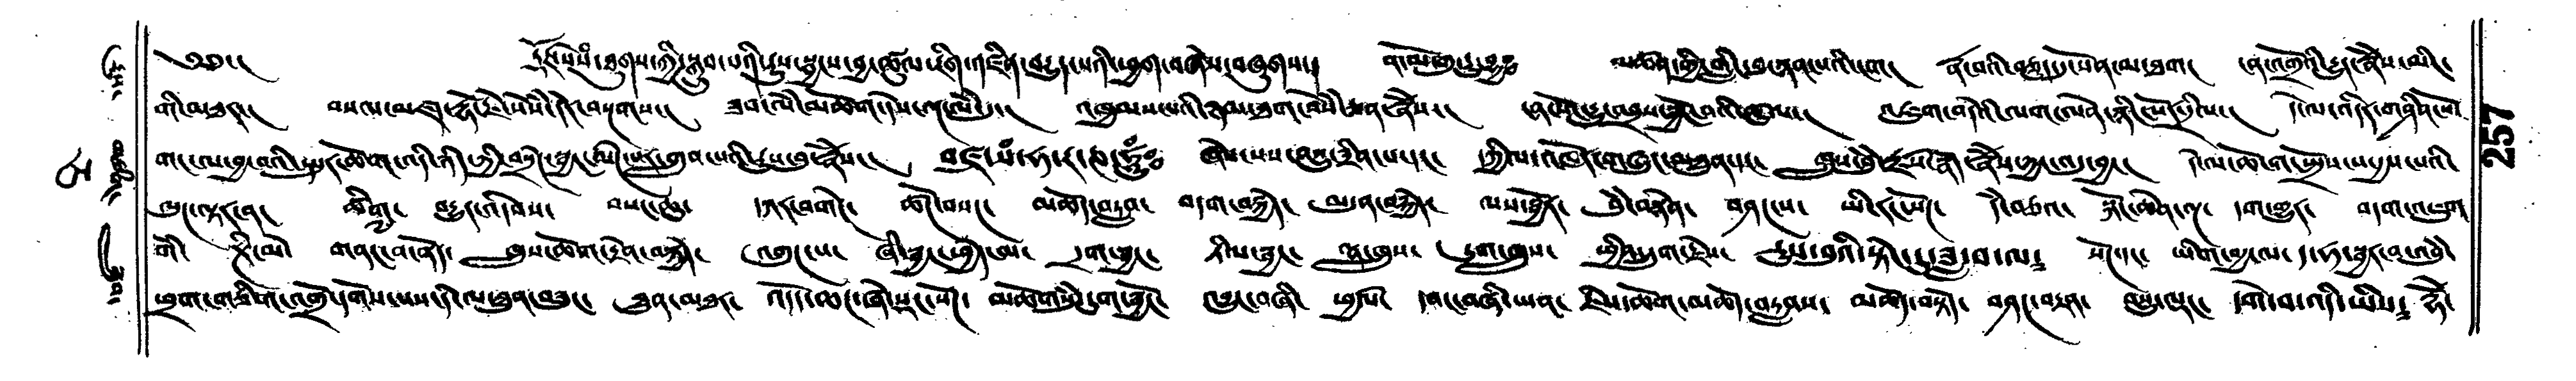༄༅། རྡོར་སེམས་ཐུགས་ཀྱི་སྒྲུབ་པའི་རུས་སྦྱོང་བྱ་ཚུལ་རིག་འཛིན་བརྒྱུད་པའི་ཕྱག་བཞེས་བཞུགས། ན་མོ་གུ་རུ་བྷྱཿ མཚན་གྱི་གླིང་བུ་སྙན་པའི་ངག །རྣ་བའི་བཅུད་དུ་སོན་མ་ཐག །ངན་འགྲོའི་རྒྱུད་རྣམས་མིང་
གི་མཐར། །བསལ་མཛད་རྡོ་རྗེ་སེམས་དེར་བསྔགས། །ཟབ་ལམ་མཆོག་དེས་ལྔ་ལམ་དུ། །འཁྱམས་པའི་ཉམ་ཐག་སེམས་ཅན་རྣམས། །ངན་སོང་རྒྱུ་འབྲས་སྦྱོང་བའི་ཚུལ། །འཇུག་བདེའི་ལག་ལེན་སྙིང་པོར་དྲིལ། །དེ་ལ་འདིར་གཤིན་པོ་
གང་ལ་བྱ་བའི་སྤུར་ཆོག་འདི་ཉིད་ཀྱི་བསྲེགས་སྦྱངས་ལེགས་པར་གྲུབ་པའི་རུས་བུ་རྣམས། བཛྲ་སཾ་ཧ་ར་ཎ་ཧཱུྃ༔ ཞེས་པས་བསྡུ་ཟིན་པ་དང་། དཀྱིལ་འཁོར་གཞུང་མཐུན་དང་། ཁྲུས་བུམ་རྫས་སྣོད་རྣམས་ཀྱང་འདུ་བྱ། དེ་ལ་ཆོ་ག་སྤྲོས་པ་རྒྱས་པའི་
ལུགས་ལྟར་ན། ཚིག་བདུན་བརྒྱུད་འདེབས། བསང་ཆུ། དཀར་བགེགས། ཚོགས་བསགས། མཆོད་རླབས། བདག་བསྐྱེད་། མདུན་བསྐྱེད་། ལས་སྦྱོར། བུམ་བསྙེན། བཤགས་པ། ཡི་རང་སོགས། དམ་བཅའ། སྐོང་ཆེན་ལྔ། དག་གྱུར། བདག་འཇུག་
གམ། རིག་མེ། གནང་བ་ནོད། ཁྲུས་ཆོག་རྟེན་བསྐྱེད། འགུགས་པ། ཞི་སྦྱང་ཕྱེད་མ། དྲག་སྦྱང་། ཏིལ་སྦྱང་། ལྷ་ཁྲུས། དུག་ཁྲུས། ཕྱིན་དྲུག་རྗེས། རུས་བུའི་སྟེང་དུ་ཟླ་བ་ལ༴ སོགས་དང་། ཡིག་བརྒྱ་ལ། ད་ཧ་སྦྱར་བ་འབུམ་
ཕྲག་གཅིག་འགྲོ་དགོས་པས་དེ་ལ་ཐུན་གཟུང་། ཐུན་མཐར། འདོད་ཆགས་ཞེ་སྡང༴ སོགས། མཆོག་གསུམ་དུག་སྦྱོང་། འབྱུང་བཞི། ཕྱག་འཚལ། དབང་བཞི་ཡན། རྗེས་མཆོག་མཆོད་རླབས། མཆོད་བསྟོད། བཤགས་བརྟེན། བསྡུ་ལྡང་། དགེ་བ་འདི་ཡིས༴ རྡོ་རྗེ་